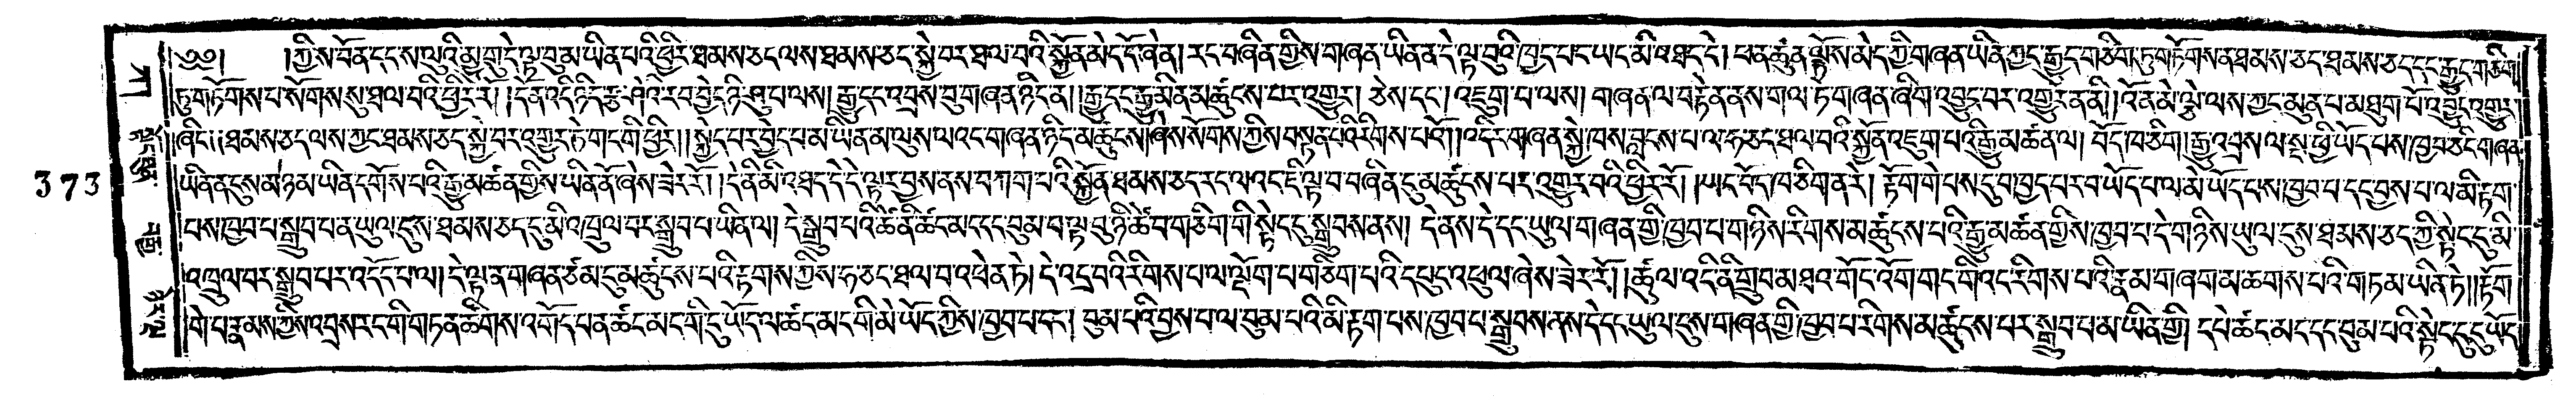༄༅། །ཀྱིས་བོན་དང་ས་ལུའི་མྱུ་གུ་དེ་ལྟ་བུ་མ་ཡིན་པའི་ཕྱིར་ཐམས་ཅད་ལས་ཐམས་ཅད་སྐྱེ་བར་ཐལ་བའི་སྐྱོན་མེད་དོ་ཞེས་ན། རང་བཞིན་གྱིས་གཞན་ཡིན་ན་དེ་ལྟ་བུའི་ཁྱད་པར་ཡང་མི་འཐད་དེ། ཕན་ཚུན་ལྟོས་མེད་ཀྱི་གཞན་ཡིན་ཀྱང་རྒྱུད་གཅིག་ཏུ་གཏོགས་ན་ཐམས་ཅད་ཐམས་ཅད་དང་རྒྱུད་གཅིག་
ཏུ་གཏོགས་པ་སོགས་སུ་ཐལ་བའི་ཕྱིར་རོ། །དོན་འདི་ཉིད་རྩ་ཤེའི་རབ་བྱེད་ཉི་ཤུ་བ་ལས། རྒྱུ་དང་འབྲས་བུ་གཞན་ཉིད་ན། །རྒྱུ་དང་རྒྱུ་མི་ན་མཚུངས་པར་འགྱུར། ཅེས་དང་། འཇུག་པ་ལས། གཞན་ལ་བརྟེན་ནས་གལ་ཏེ་གཞན་ཞིག་འབྱུང་བར་འགྱུར་ན་ནི། །འོ་ན་མེ་ལྕེ་ལས་ཀྱང་མུན་པ་མཐུག་པོ་འབྱུང་འགྱུར་
ཞིང༑ ༑ཐམས་ཅད་ལས་ཀྱང་ཐམས་ཅད་སྐྱེ་བར་འགྱུར་ཏེ་གང་གི་ཕྱིར། །སྐྱེ་བར་བྱེད་པ་མ་ཡིན་མ་ལུས་ལའང་གཞན་ཉིད་མཆུངས། ཞེས་སོགས་ཀྱིས་བསྟན་པའི་རིགས་པའོ། །འདིར་གཞན་སྐྱེ་ཁས་བླངས་པ་ལ་ཧ་ཅང་ཐལ་བའི་སྐྱོན་འཇུག་པའི་རྒྱུ་མཚན་ལ། བོད་ཁ་ཅིག། རྒྱུ་འབྲས་ལ་སྔ་ཕྱི་ཡོད་པས་ཁྱབ་ཅིང་གཞན་
ཡིན་ན་དུས་མཉམ་ཡིན་དགོས་པའི་རྒྱུ་མཚན་གྱིས་ཡིན་ནོ་ཞེས་ཟེར་རོ། །དེ་ནི་མི་འཐད་དེ་དེ་ལྟར་བྱས་ནས་བཀག་པའི་སྐྱོན་ཐམས་ཅད་རང་ལའང་ཇི་ལྟར་བ་བཞིན་དུ་མཚུངས་པར་འགྱུར་བའི་ཕྱིར་རོ། །ཡང་བོད་ཁ་ཅིག་ན་རེ། རྟོག་གེ་པས་དུ་བ་ཁྱད་པར་བ་ཡོད་པ་ལ་མེ་ཡོད་པས་ཁྱབ་བ་དང་བྱས་པ་ལ་མི་རྟག་
བས་ཁྱབ་པ་སྒྲུབ་པ་ན་ཡུལ་དུས་ཐམས་ཅད་དུ་མི་འཁྲུལ་བར་སྒྲུབ་པ་ཡིན་ལ། དེ་སྒྲུབ་བའི་ཚེ་ནི་ཚང་མང་དད་བུ་མ་བལྟ་བུ་ཉི་ཚེ་བ་གཅིག་གི་སྟེང་དུ་སྒྲུབས་ནས། དེ་ནས་དེ་དང་ཡུལ་གཞན་གྱི་ཁྱབ་པ་གཉིས་རིགས་མཚུངས་པའི་རྒྱུ་མཚན་གྱིས་ཁྱབ་པ་དེ་གཉིས་ཡུལ་དུས་ཐམས་ཅད་ཀྱི་སྟེང་དུ་མི་
འཁྲུལ་བར་སྒྲུབ་པར་འདོད་པ་ལ། དེ་ལྟ་ན་གཞན་ཙམ་དུ་མཚུངས་པའི་རྟགས་ཀྱིས་ཧ་ཅང་ཐལ་བ་འཕེན་ཏེ། དེ་འདྲ་བའི་རིགས་པ་ལ་ལྡོག་པ་གཅིག་པའི་དཔུང་འཕུལ་ཞེས་ཟེར་རོ། །ཚུལ་འདི་ནི་གྲུབ་མཐའ་གོང་འོག་གང་གིའང་རིགས་པའི་རྣམ་གཞག་མ་ཆགས་པའི་གཏམ་ཡིན་ཏེ། །རྟོག་
གེ་བ་རྣམས་ཀྱིས་འབྲས་རང་གི་གཏན་ཚིགས་འགོད་པ་ན་ཚང་མང་གི་དུ་ཡོད་ལ་ཚད་མང་གི་མེ་ཡོད་ཀྱིས་ཁྱབ་པ་དང་། བུམ་པའི་བྱས་བ་ལ་བུམ་པའི་མི་རྟག་པས་ཁྱབ་པ་སྒྲུབ་ནས་དེ་དང་ཡུལ་དུས་གཞན་གྱི་ཁྱབ་བ་རིགས་མཚུངས་པར་སྒྲུབ་པ་མ་ཡིན་གྱི། དཔེ་ཚད་མང་དང་བུམ་པའི་སྟེང་དུ་དུ་ཡོད་